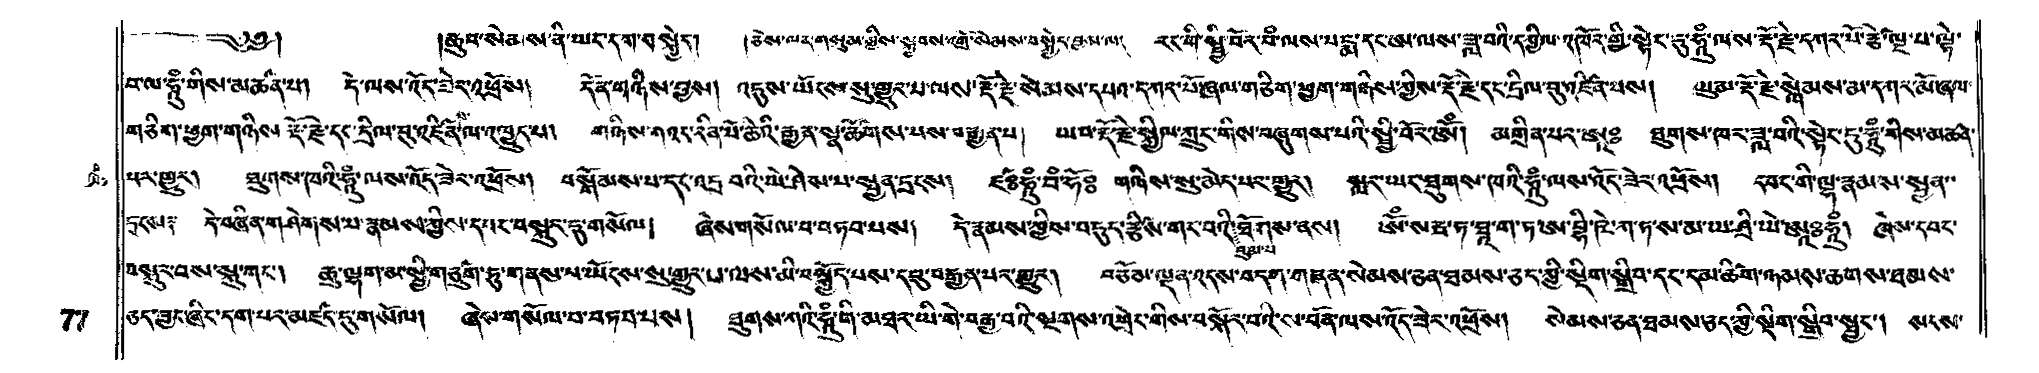༄༅། །ཆུབ་སེམས་ནི་ཡང་དག་བསྐྱེད། །ཅེས་ལན་གསུམ་གྱིས་སྐྱབས་འགྲོ་སེམས་བསྐྱེད་བྱས་ལ།  རང་གི་སྤྱི་བོར་བཾ་ལས་པདམ་དང་ཨ་ལས་ཟླ་བའི་དཀྱིལ་འཁོར་གྱི་སྟེང་དུ་ཧཱུཾ་ལས་རྡོ་རྗེ་དཀར་པོ་རྩེ་ལྔ་པ་ལྟེ་
བ་ལ་ཧཱུཾ་གིས་མཚན་པ། དེ་ལས་འོད་ཟེར་འཕྲོས། དོན་གཉིས་བྱས། འདུས་ཡོངས་སུ་གྱུར་པ་ལས་རྡོ་རྗེ་སེམས་དཔའ་དཀར་པོ་ཞལ་གཅིག་ཕྱག་གཉིས་ཀྱིས་རྡོ་རྗེ་དང་དྲིལ་བུ་འཛིན་པས། ཡུམ་རྡོ་རྗེ་སྙེམས་མ་དཀར་མོ་ཞལ་
གཅིག་ཕྱག་གཉིས་རྡོ་རྗེ་དང་དྲིལ་བུ་འཛིན་པ་ལ་འཁྱུད་པ། གཉིས་ཀའང་རིན་པོ་ཆེའི་རྒྱན་སྣ་ཚོགས་པས་བརྒྱན་པ། ཡབ་རྡོ་རྗེ་སྐྱིལ་ཀྲུང་གིས་བཞུགས་པའི་སྦྱི་བོར་ཨོཾ། མགྲིན་པར་ཨཱཿ ཐུགས་ཁར་ཟླ་བའི་སྟེང་དུ་ཧཱུཾ་གིས་མཚན་
པར་གྱུར། ཐུགས་ཁའི་ཧཱུཾ་ལས་འོད་ཟེར་འཕྲོས། བསྒོམས་པ་དང་འདྲ་བའི་ཡེ་ཤེས་པ་སྤྱན་དྲངས། ཛཿ ཧཱུཾ་བཾ་ཧོཿ གཉིས་སུ་མེད་པར་གྱུར། སླར་ཡང་ཐུགས་ཁའི་ཧཱུཾ་ལས་འོད་ཟེར་འཕྲོས། དབང་གི་ལྷ་རྣམས་སྤྱན་
དྲངས༑ དེ་བཞིན་གཤེགས་པ་རྣམས་ཀྱིས་དབང་བསྐུར་ཏུ་གསོལ། ཞེས་གསོལ་བ་བཏབ་པས། དེ་རྣམས་ཀྱིས་བདུད་རྩིས་གང་བའི་བུམ་པ་ཐོགས་ནས། ཨོཾ་སརྦ་ཏ་ཐཱ་ག་ཏ་ཨ་བྷི་ཥེ་ཀ་ཏ་ས་མ་ཡ་ཤྲི་ཡེ་ཨཱཿ ཧཱུཾ། ཞེས་དབང་
བསྐུར་བས་སྐུ་གང་། ཆུ་ལྷག་མ་སྤྱི་གཙུག་ཏུ་གནས་པ་ཡོངས་སུ་གྱུར་པ་ལས་མི་བསྐྱོད་པས་དབུ་བརྒྱན་པར་གྱུར། བཅོམ་ལྡན་འདས་བདག་གཞན་སེམས་ཅན་ཐམས་ཅད་ཀྱི་སྡིག་སྒྲིབ་དང་དམ་ཚིག་ཉམས་ཆགས་ཐམས་
ཅད་བྱང་ཞིང་དག་པར་མཛད་དུ་གསོལ། ཞེས་གསོལ་བ་བཏབ་པས། ཐུགས་ཀའི་ཧཱུཾ་གི་མཐར་ཡི་གེ་བརྒྱ་བའི་སྔགས་འཕྲེང་གིས་བསྐོར་བའི་ས་བོན་ལས་འོད་ཟེར་འཕྲོས། སེམས་ཅན་ཐམས་ཅད་ཀྱི་སྡིག་སྒྲིབ་སྦྱང་། སངས་